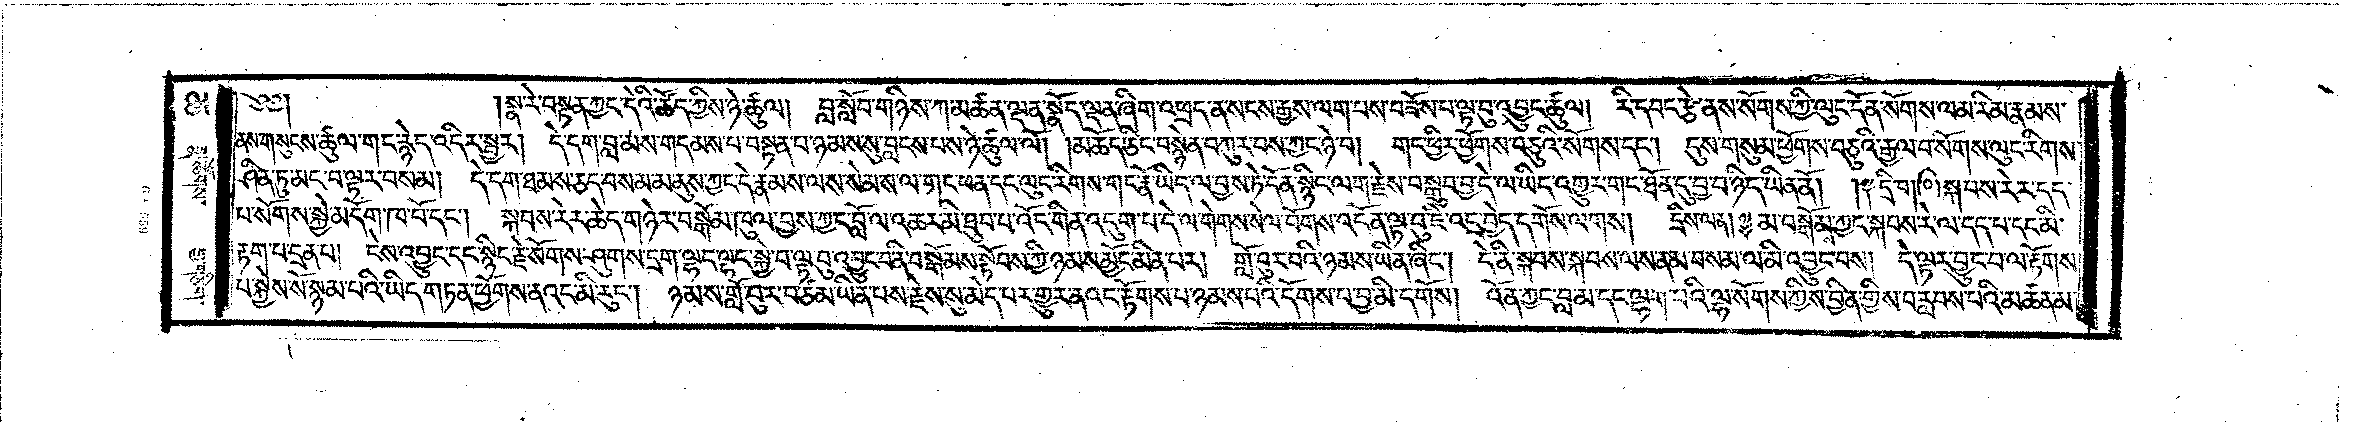༄༅། །སྣ་རེ་བསྟན་ཀྱང་དེའི་ཚོད་ཀྱིས་ཉེ་ཚུལ། བླ་སློབ་གཉིས་ཀ་མཚན་ལྡན་སྣོད་ལྡན་ཞིག་འཕྲད་ན་སངས་རྒྱས་ལག་པས་བཟོས་པ་ལྟ་བུ་འབྱུང་ཚུལ། རི་དབང་རྩེ་ནས་སོགས་ཀྱི་ལུང་དོན་སོགས་ལམ་རིམ་རྣམས་
ནས་གསུངས་ཚུལ་གང་རྙེད་འདིར་སྦྱར། དེ་དག་བླ་མས་གདམས་པ་བསྟན་པ་ཉམས་སུ་བླངས་པས་ཉེ་ཚུལ་ལོ། །མཆོད་ཅིང་བསྙེན་བཀུར་བས་ཀྱང་ཉེ་བ། གང་ཕྱིར་ཕྱོགས་བཅུའི་སོགས་དང་། དུས་གསུམ་ཕྱོགས་བཅུའི་རྒྱལ་བ་སོགས་ལུང་རིགས་
ཤིན་ཏུ་མང་བ་ལྟར་བསམ། དེ་དག་ཐམས་ཅད་བསམ་མ་ནུས་ཀྱང་དེ་རྣམས་ལས་སེམས་ལ་གང་ཕན་དང་ལུང་རིགས་གང་རྣོ་ཡིད་ལ་བྱས་ཏེ་དོན་སྙིང་ལག་རྗེས་བསྒྲུབ་བྱ་དེ་ལ་ཡིད་འགྱུར་གང་ཐོན་དུ་བྱ་བ་ཉིད་ཡིན་ནོ། །༈ དྲི་བ།  ༼྾༽ སྐབས་རེར་དད་
པ་སོགས་སྐྱེ་མདོག་ཁ་པོ་དང་། སྐབས་རེར་ཆེད་གཉེར་བསྒོམ་ཁུལ་བྱས་ཀྱང་བློ་ལ་འཆར་མི་ཐུབ་པ་འོང་གིན་འདུག་པ་དེ་ལ་གེགས་སེལ་བོགས་འདོན་ལྟ་བུ་ཇི་འདྲ་བྱེད་དགོས་ལགས། དྲིས་ལན།  ༈ མ་བསྒོམས་ཀྱང་སྐབས་རེ་ལ་དད་པ་དང་མི་རྟག་པ་དྲན་པ། ངེས་འབྱུང་དང་སྙིང་རྗེ་སོགས་ཤུགས་དྲག་ལྷང་ལྷང་སྐྱེ་བ་ལྟ་བུ་འབྱུང་བ་ནི་བསྒོམས་སྟོབས་ཀྱི་ཉམས་མྱོང་མིན་པར། གློ་བུར་པའི་ཉམས་ཡིན་ཞིང་། དེ་ནི་སྐབས་སྐབས་ལས་ནམ་བསམ་ལ་མི་འབྱུང་བས། དེ་ལྟར་བྱུང་བ་ལ་རྟོགས་
པ་སྐྱེས་སོ་སྙམ་པའི་ཡིད་གཏན་ཕྱོགས་ནའང་མི་རུང་། ཉམས་གློ་བུར་བ་ཙམ་ཡིན་པས་རྗེས་སུ་མེད་པར་གྱུར་ནའང་རྟོགས་པ་ཉམས་པའི་དོགས་པ་བྱ་མི་དགོས། འོན་ཀྱང་བླ་མ་དང་ལྷག་པའི་ལྷ་སོགས་ཀྱིས་བྱིན་གྱིས་བརླབས་པའི་མཚན་མ་